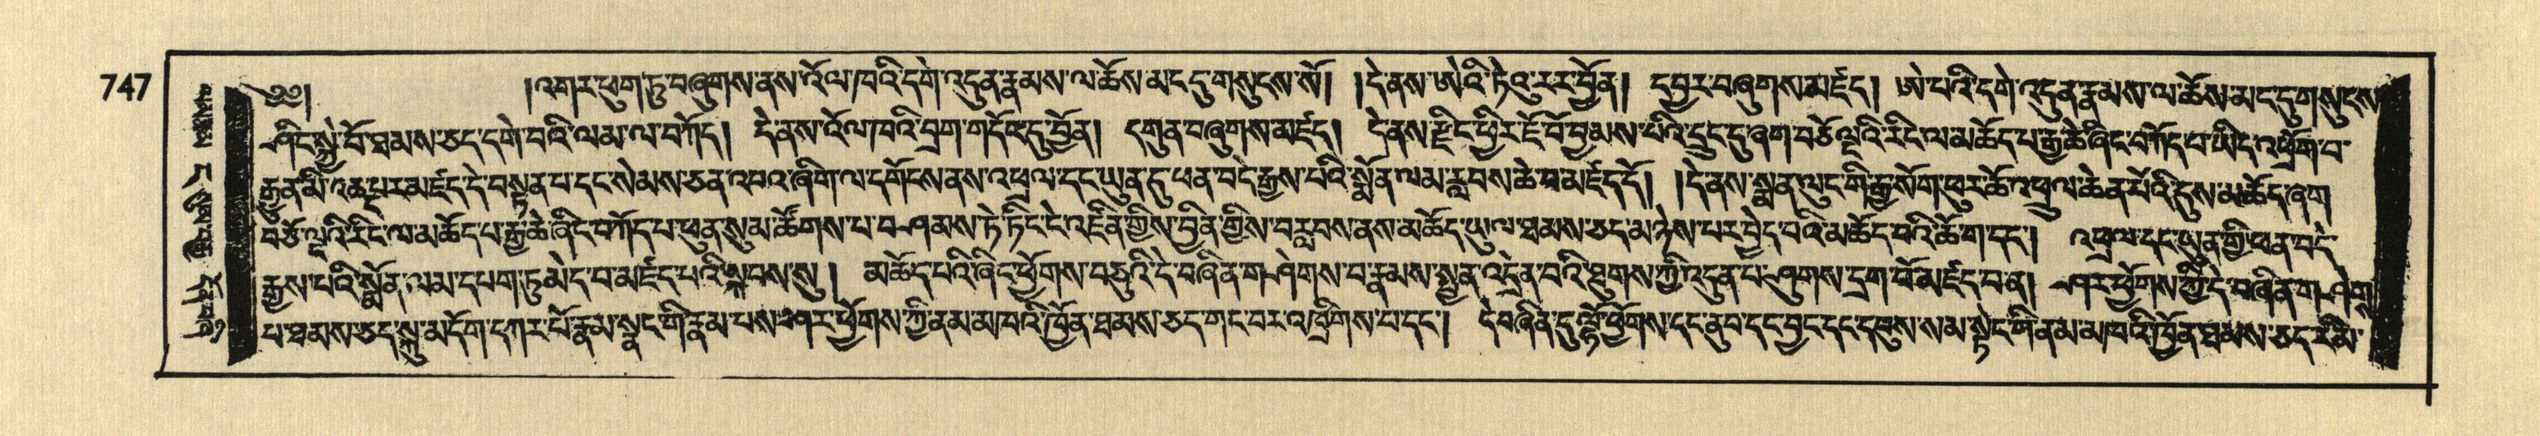༄༅། །འགར་ཕུག་ཏུ་བཞུགས་ནས་འོལ་ཁའི་དགེ་འདུན་རྣམས་ལ་ཆོས་མང་དུ་གསུངས་སོ། །དེ་ནས་ཨེའི་ཏེའུ་རར་བྱོན། དབྱར་བཞུགས་མཛད། ཨེ་པའི་དགེ་འདུན་རྣམས་ལ་ཆོས་མང་དུ་གསུངས་
ཤིང་སྐྱེ་བོ་ཐམས་ཅད་དགེ་བའི་ལམ་ལ་བཀོད། དེ་ནས་འོལ་ཁའི་བྲག་གདོང་དུ་བྱོན། དགུན་བཞུགས་མཛད། དེ་ནས་རྫིང་ཕྱིར་ཇོ་བོ་བྱམས་པའི་དྲུང་དུ་ཞག་བཅོ་ལྔའི་རིང་ལ་མཆོད་པ་རྒྱ་ཆེ་ཞིང་བཀོད་པ་ཡིད་འཕྲོག་པ་
རྒྱུན་མི་འཆང་པར་མཛད་དེ་བསྟན་པ་དང་སེམས་ཅན་འབའ་ཞིག་ལ་དགོངས་ནས་འཕྲལ་དང་ཡུན་དུ་ཕན་བདེ་རྒྱས་པའི་སྨོན་ལམ་རླབས་ཆེ་བ་མཛད་དོ། །དེ་ནས་སྨན་ལུང་གི་རྒྱ་སོག་ཕུར་ཆོ་འཕྲུལ་ཆེན་པོའི་དུས་མཆོད་ཞག་
བཅོ་ལྔའི་རིང་ལ་མཆོད་པ་རྒྱ་ཆེ་ཞིང་བཀོད་པ་ཕུན་སུམ་ཚོགས་པ་བཤམས་ཏེ་ཏིང་ངེ་འཛིན་གྱིས་བྱིན་གྱིས་བརླབས་ནས་མཆོད་ཡུལ་ཐམས་ཅད་མཉེས་པར་བྱེད་པའི་མཆོད་བའི་ཆོ་ག་དང་། འཕྲལ་དང་ཡུན་གྱི་ཕན་བདེ་
རྒྱས་པའི་སྨོན་ལམ་དཔག་ཏུ་མེད་པ་མཛད་པའི་སྐབས་སུ། མཆོད་པའི་ཞིང་ཕྱོགས་བཅུའི་དེ་བཞིན་གཤེགས་པ་རྣམས་སྤྱན་འདྲེན་བའི་ཐུགས་ཀྱི་འདུན་པ་ཤུགས་དྲག་པོ་མཛད་བ་ན། ཤར་ཕྱོགས་ཀྱི་དེ་བཞིན་གཤེགས་
པ་ཐམས་ཅད་སྐུ་མདོག་དཀར་པོ་རྣམ་སྣང་གི་རྣམ་པས་ཤར་ཕྱོགས་ཀྱི་ནམ་མཁའི་ཁྱོན་ཐམས་ཅད་གང་བར་འཁྲིགས་པ་དང་། དེ་བཞིན་དུ་ལྷོ་ཕྱོགས་དང་ནུབ་དང་བྱང་དང་དབུས་སམ་སྟེང་གི་ནམ་མཁའི་ཁྱོན་ཐམས་ཅད་རིམ་